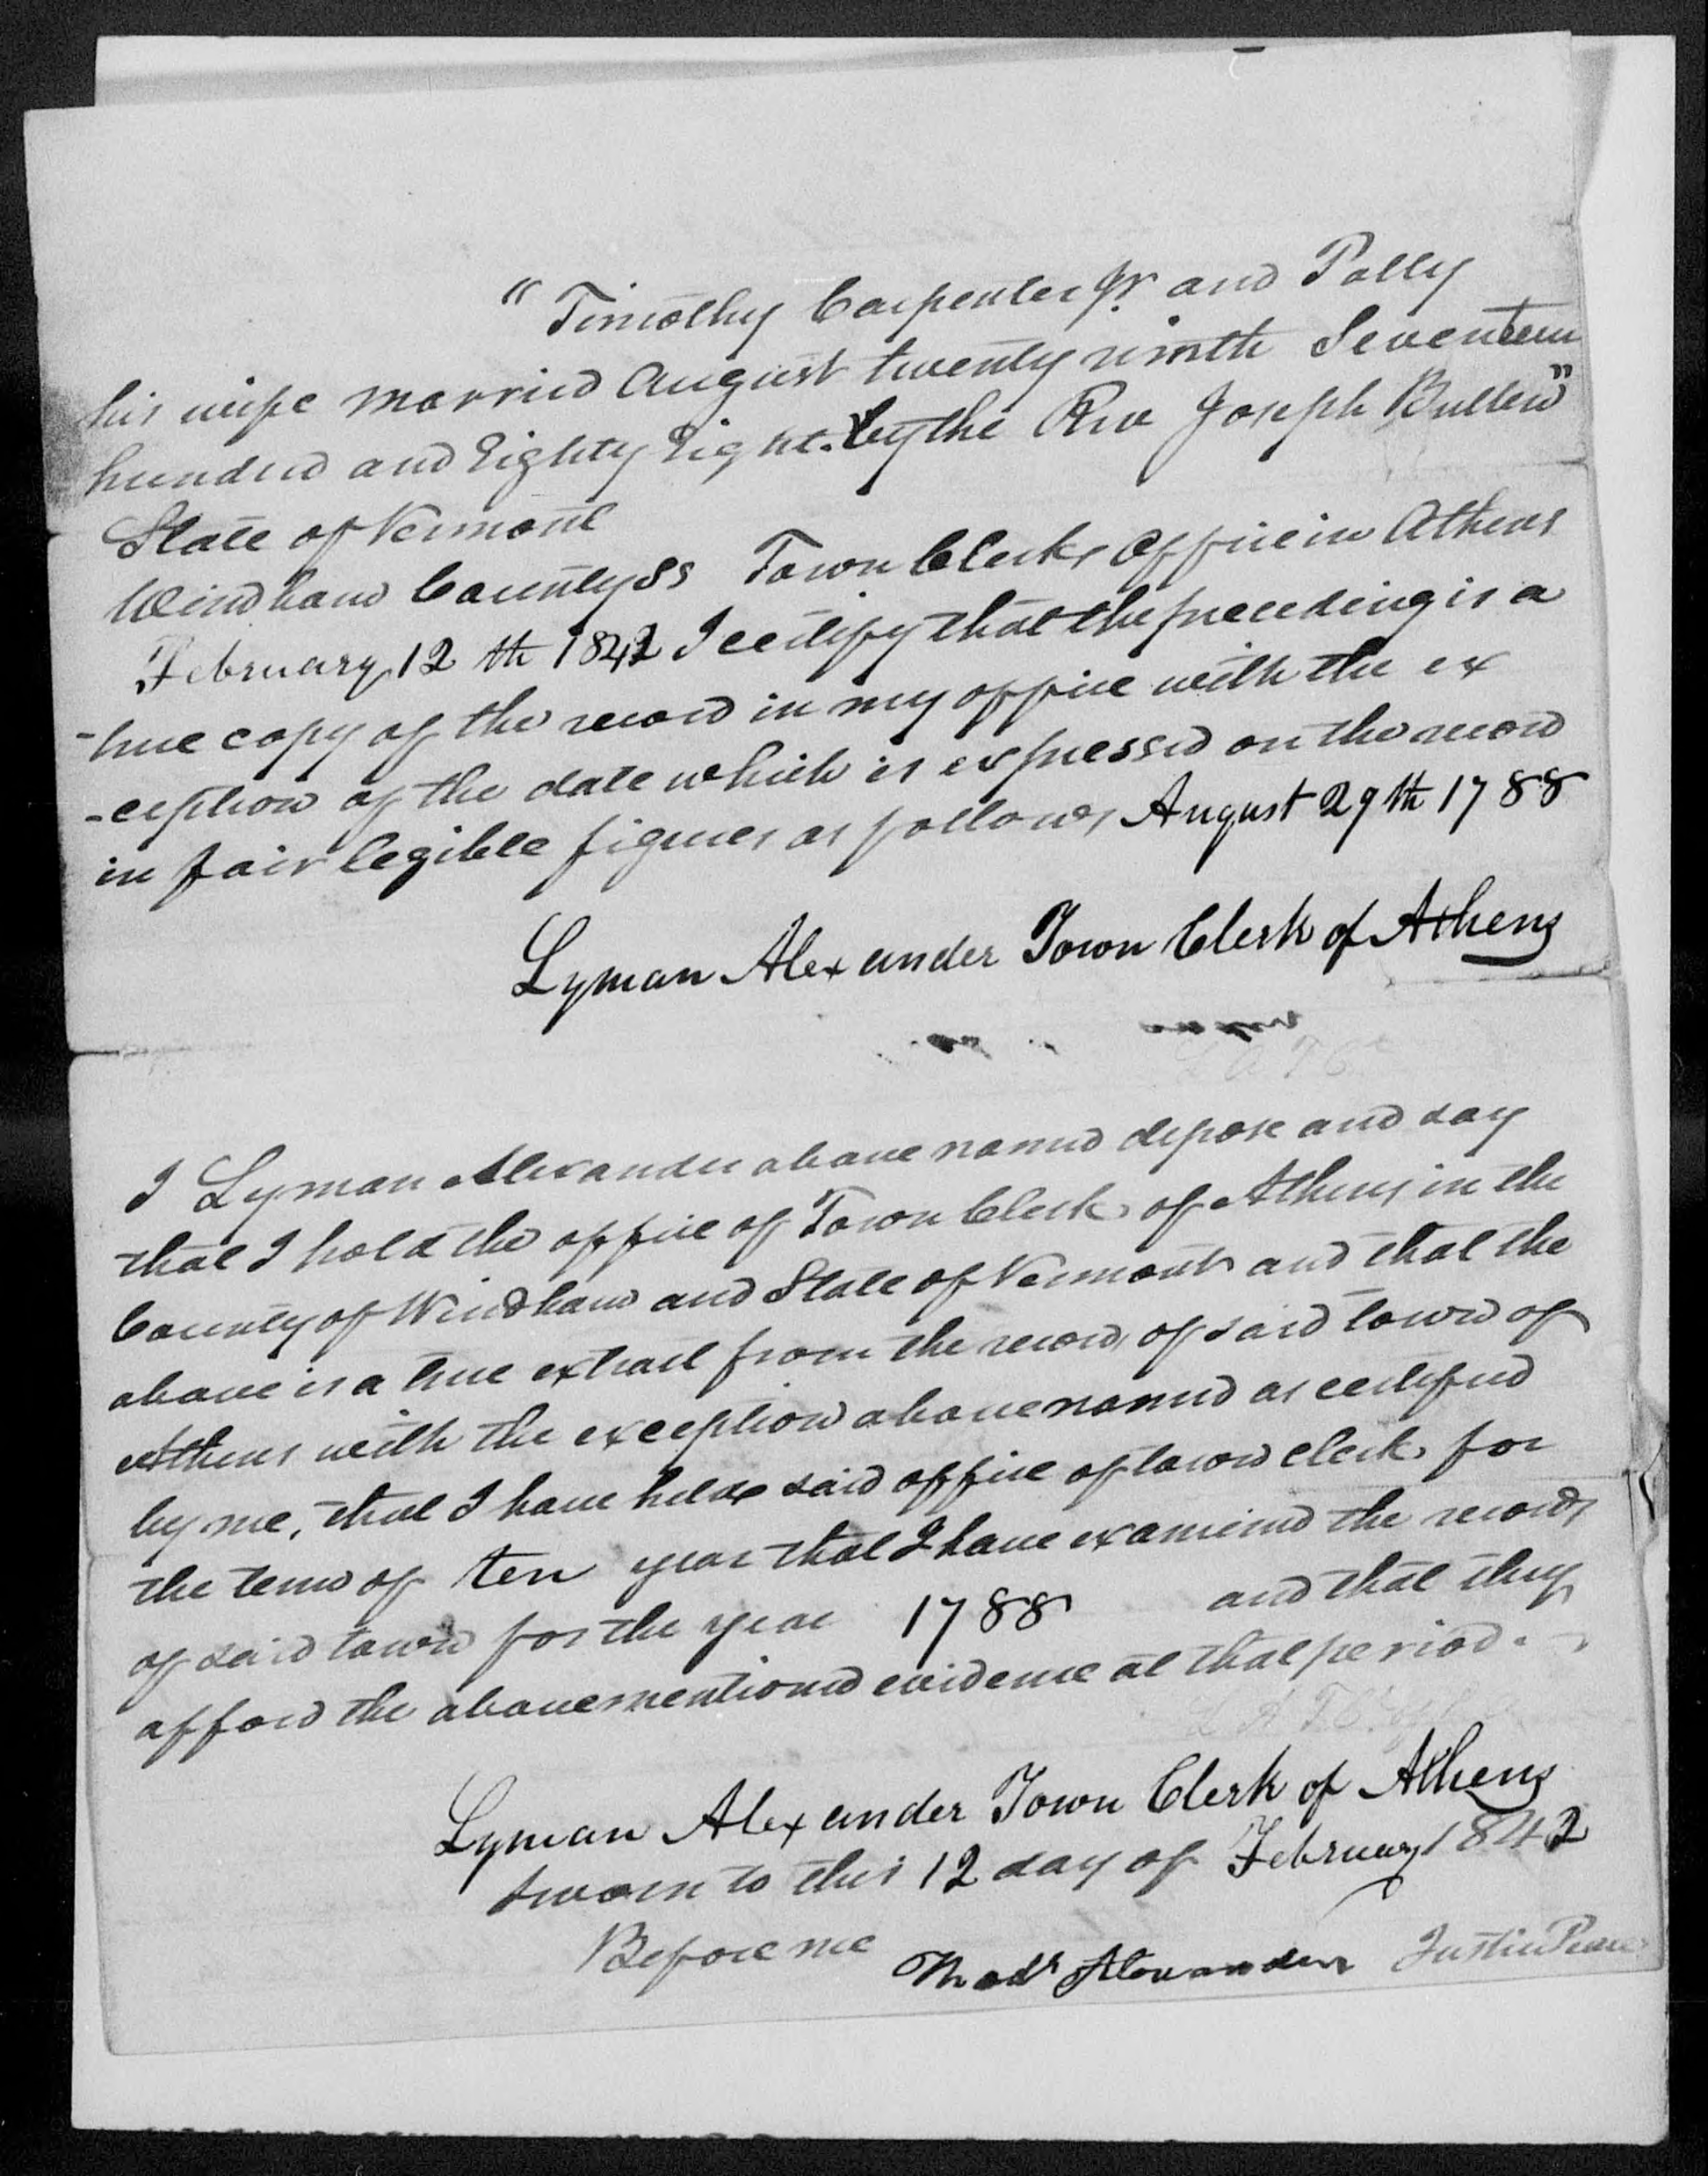"Timothy Carpenter Jr. and Polly his wife married August twenty ninth Seventeen hundred and Eight Eight by the Rev Joseph Bullew" 
State of Vermont
Windham County ss Town Clerk Office in Athens 
February 12th 1842 I certify that the preceding is a true copy of the record in my office with the exception of the date which is expressed on the record in fair legible figures as follows August 29th 1788
/s/Lyman Alexander Town Clerk of Athens

I Lyman Alexander above named depose and say that I hold the office of Town Clerk of Athens in the County of Windham and State of Vermont and that the above is a true extract from the records of said town of Athens with the exception above named as certified by me, that I have held said office of town clerk for the term of ten years that I have examined the records of said town for the year 1788 and that they afford the above mentioned evidence at that period. - 
/s/L. A. T. C. of Athens 
Lyman Alexander Town Clerk of Athens 
Sworn to this 12 day of February 1842 Before me
/s/Thad's Alexander Justice Peace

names: Lyman Alexander, Thads Alexander, Polly, Timothy Carpenter, Joseph Bullerd, Lyman Alexander, Lyman Alexander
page: 9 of 41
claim: widow's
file: W. 15627, Timothy Carpenter, Vt.